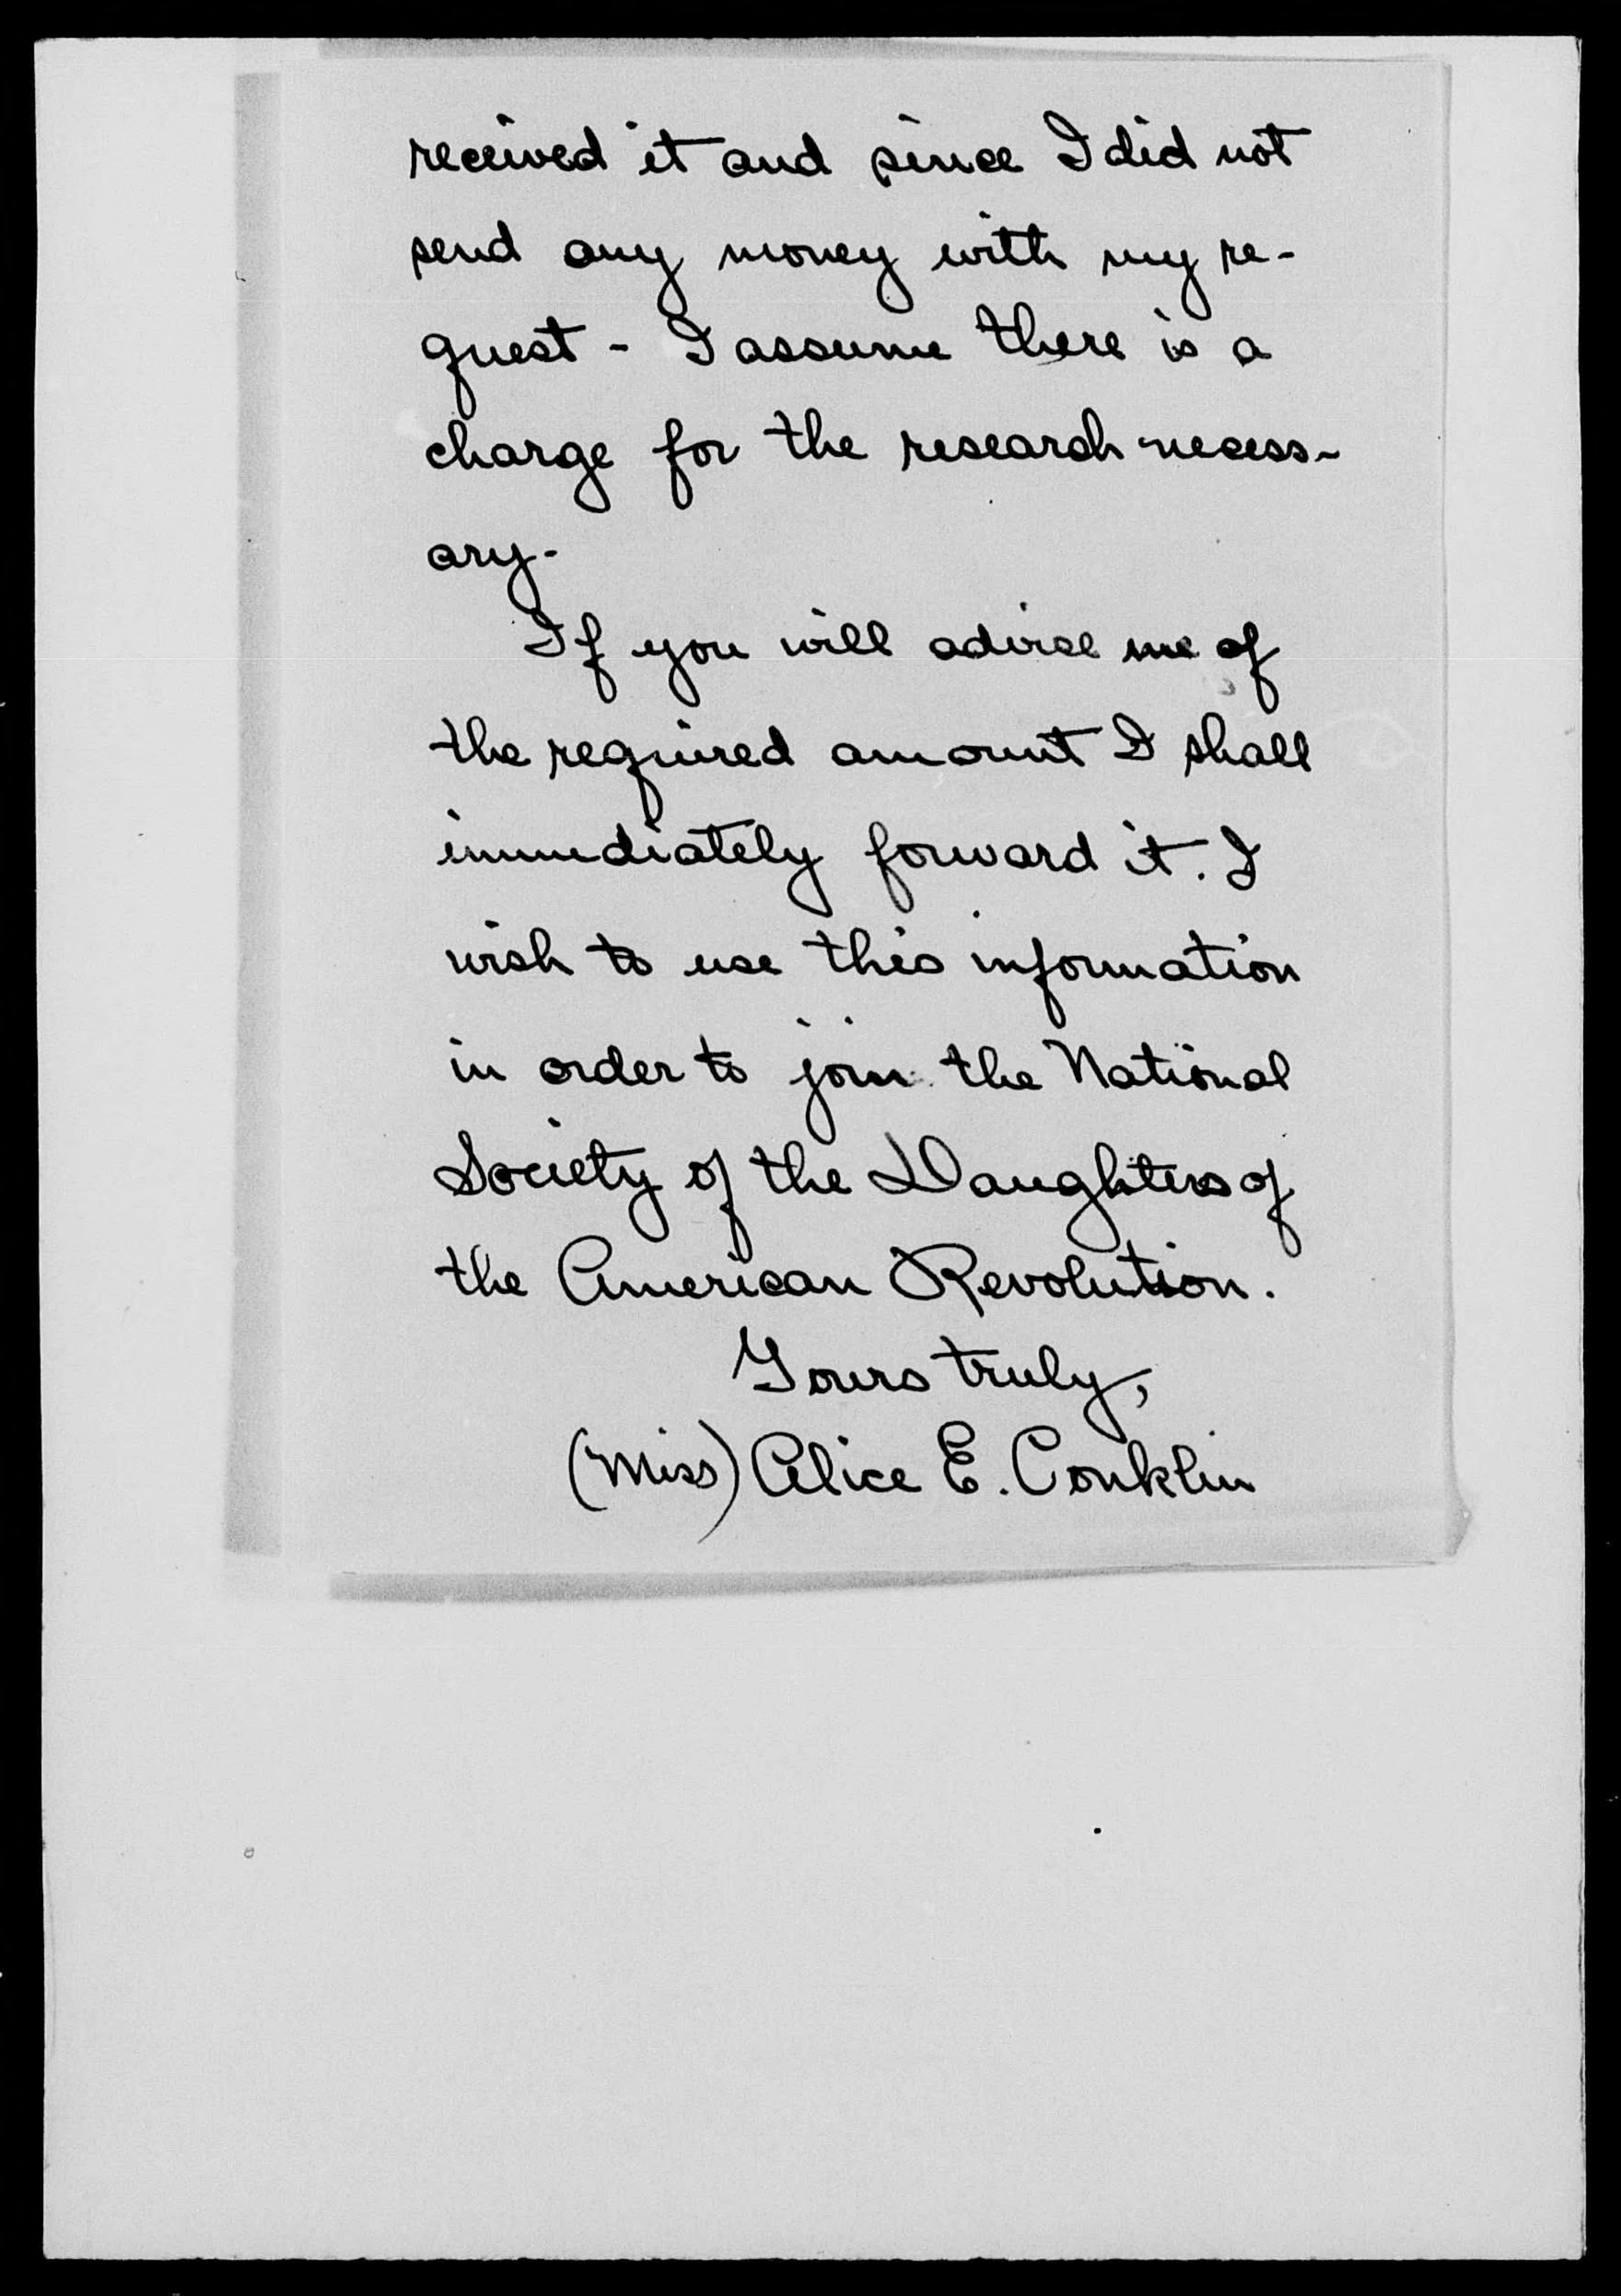received it and since I did not send any money with my request - I assume there is a charge for the records necessary.

If you will advise me of the required amount I shall immediately forward it. I wish to see this information in order to join the National Society of the Daughters of the American Revolution.

Yours truly,
(Miss) Alice E. Conklin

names: Alice E Conklin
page: 31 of 43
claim: widow's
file: W. 17,647, Aaron Comstock, Conn.